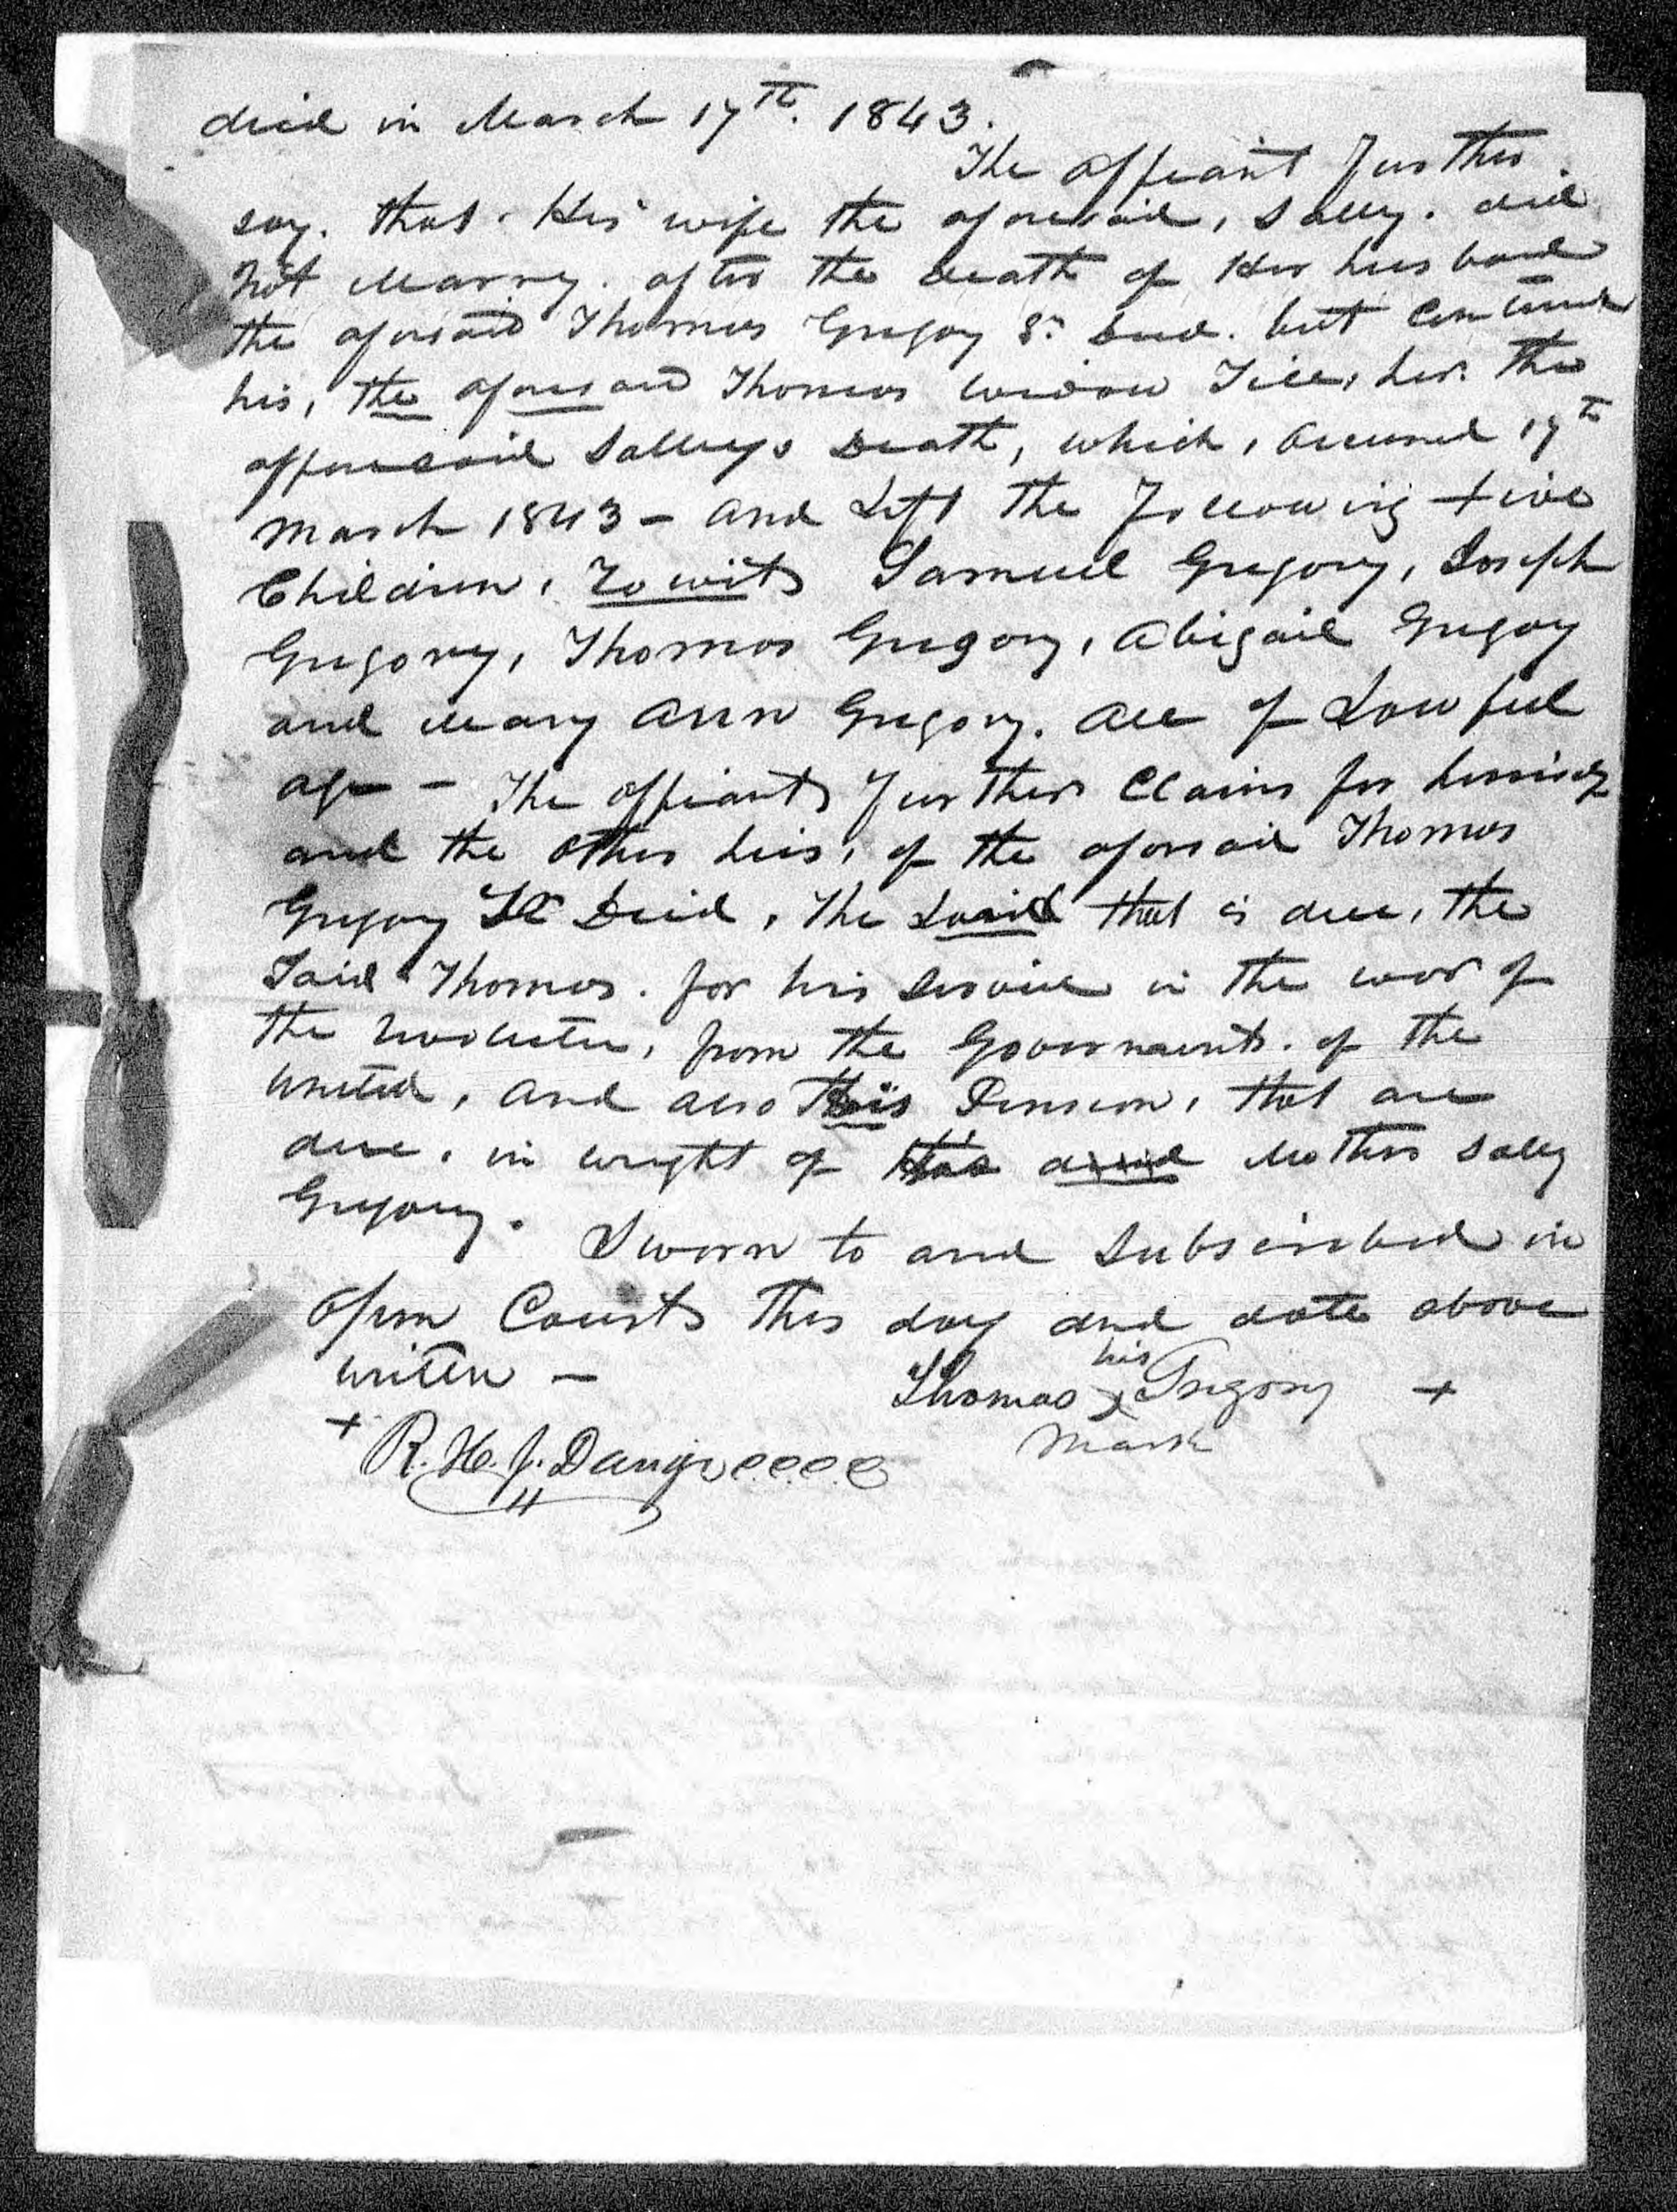died in March 17th, 1843.
The affiant further say, that His wife the aforesaid Sally, did not marry after the death of her husband the aforesaid Thomas Gregory Sr. decd. but continued his, the aforesaid Thomas widow Till her this afforesaid [sic] Salleys death, which, around 17th March 1843--and left the following five Children, To wit Samuel Gregory, Joseph Gregory, Thomas Gregory, Abigail Gregory, and Mary Ann Gregory, all of Lawful age--The affiant further claims for himself and the other heirs, of the aforsaid [sic] Thomas Gregory Sr. Decd. The land that is due, the Said Thomas for his service in the war of the Revolution, from the Government of the United, and also his Pension, that are due, in wright of [marked out: His decd] mother Saly Gregory.
Sworn to and Subscribed in open Court This day and date above written--  
Thomas  his X mark Gregory 
+ R. H. J. Davage C.C.C.C.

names: Thomas, Thomas Gregory, Thomas Gregory, Joseph Gregory, Abigail Gregory, R H J Davage, Samuel Gregory, Sally Gregory, Thomas, Thomas Gregory, Thomas Gregory, Mary Ann Gregory, Salley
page: 6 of 75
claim: widow's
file: W. 8876, Thomas Gregory, Continental Va